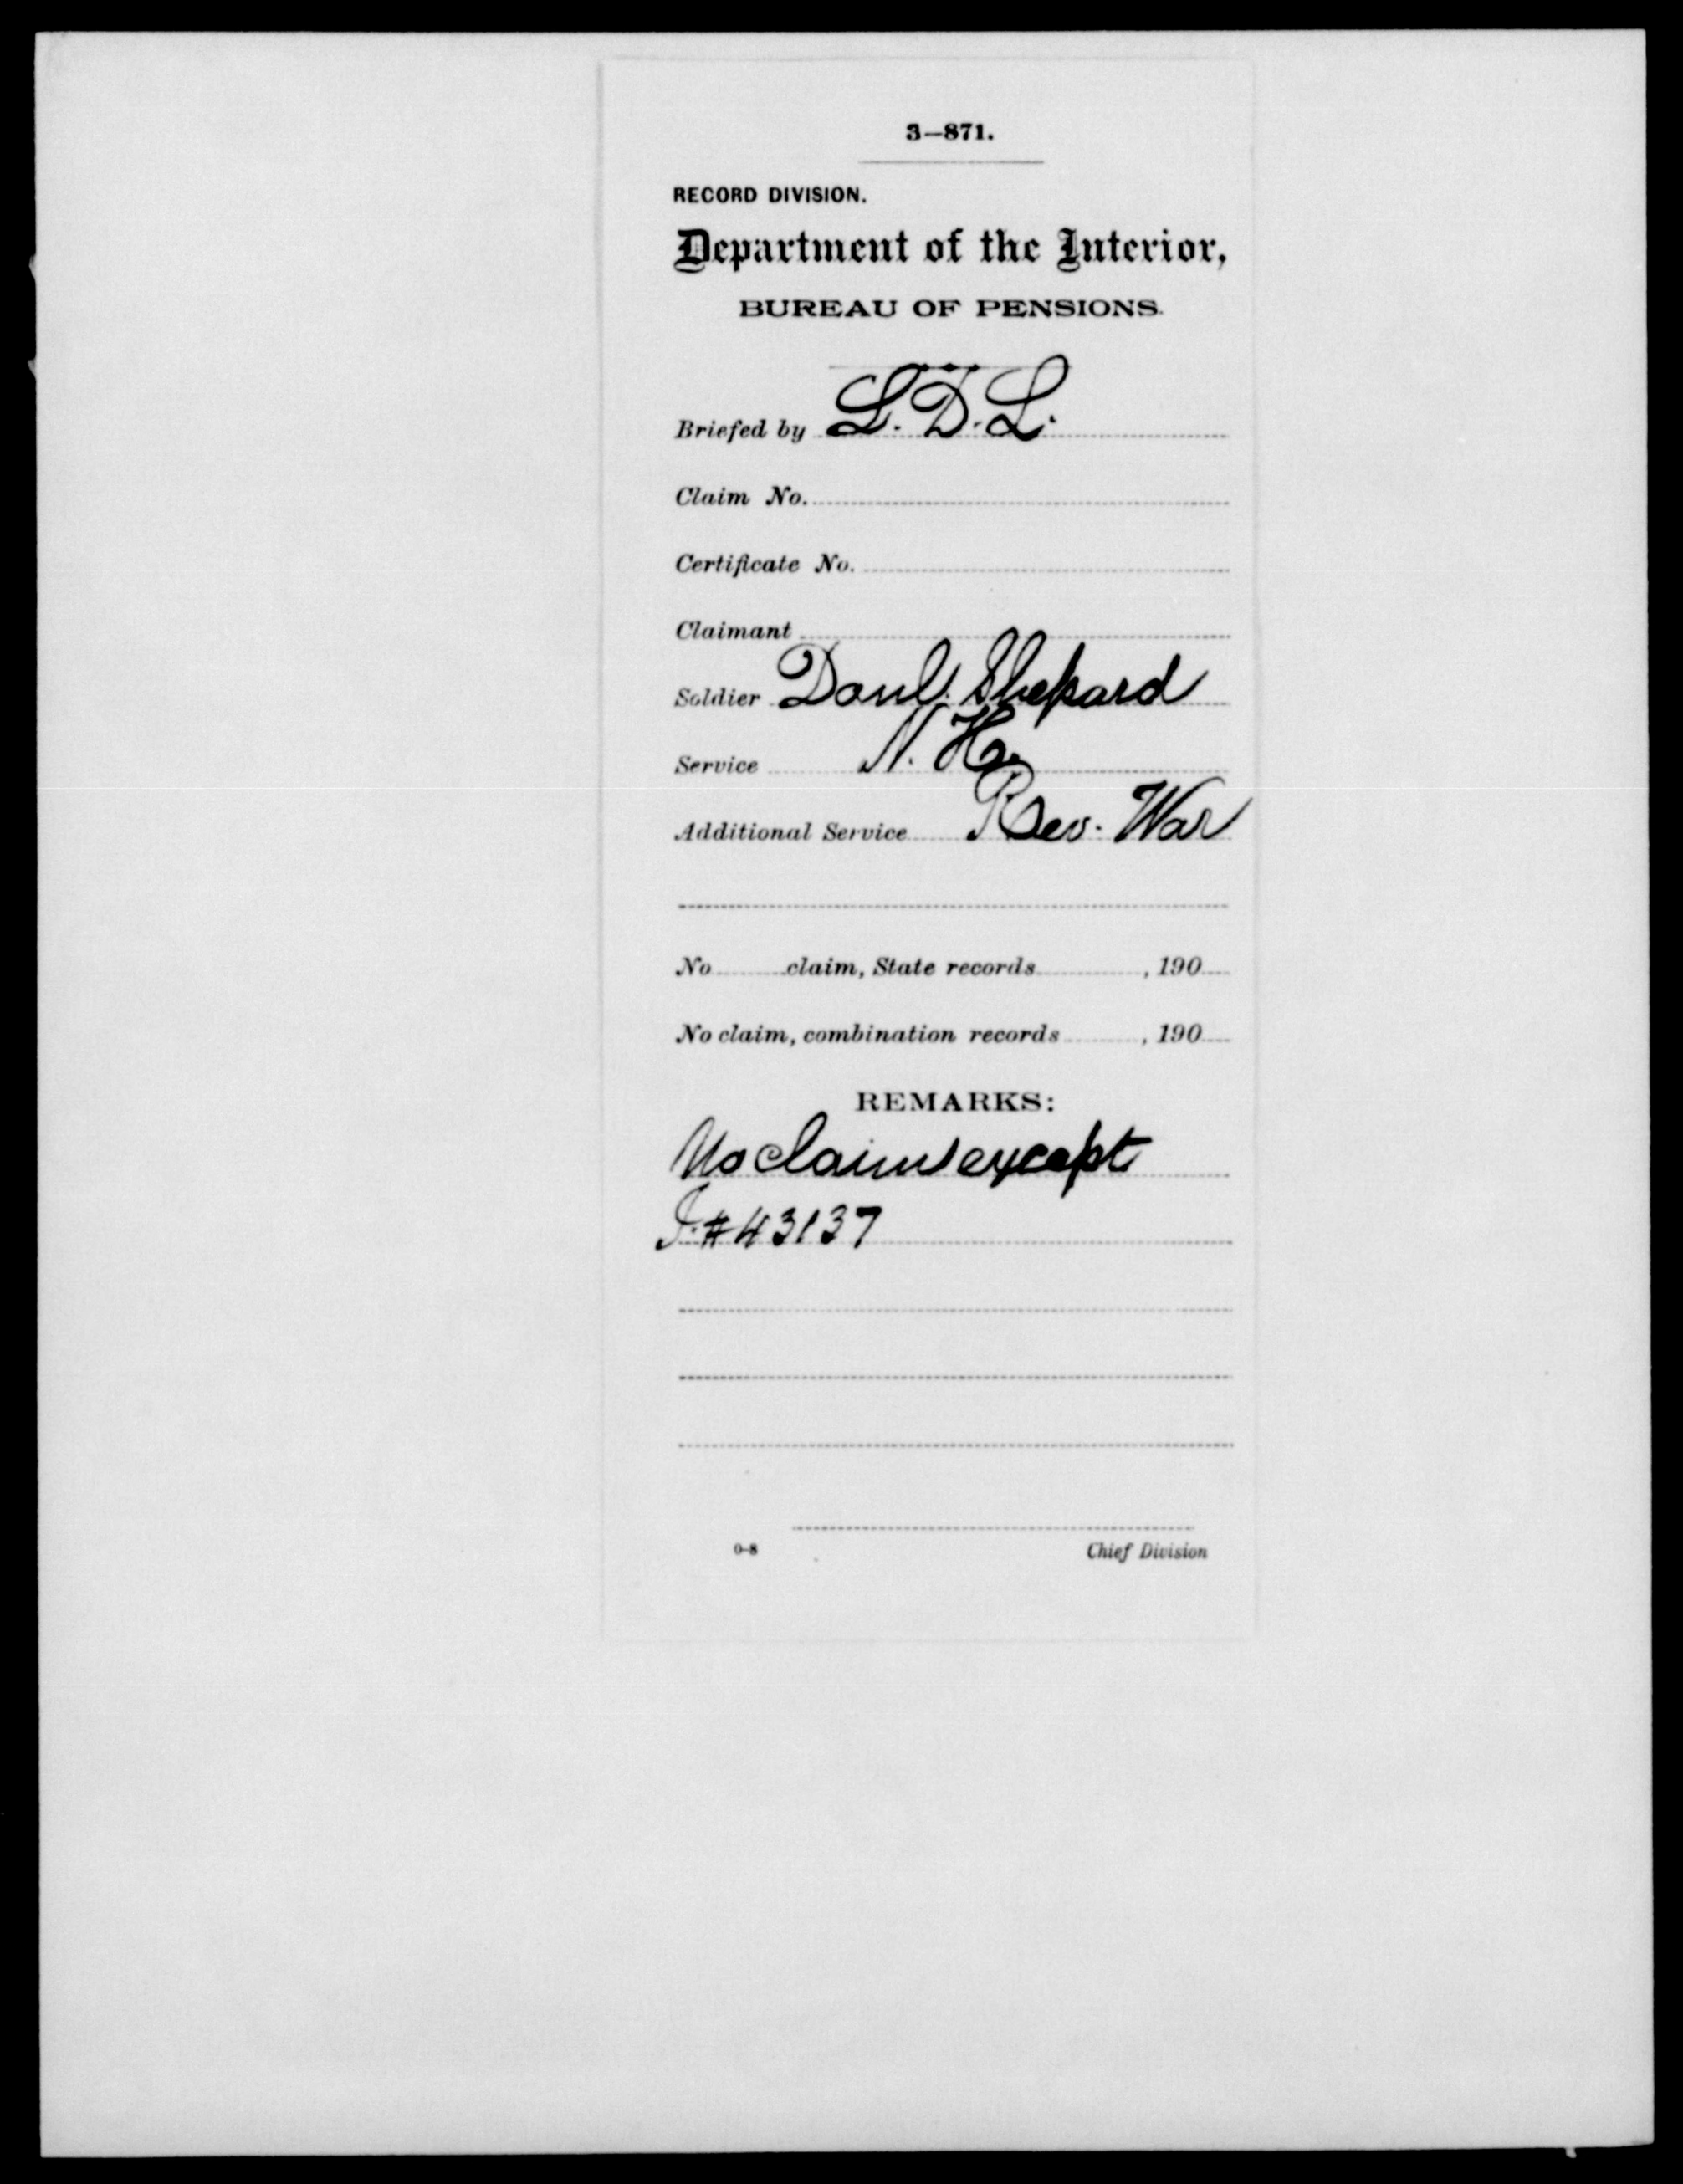3 - 871.
RECORD DIVISION.
Department of the Interior,
BUREAU OF PENSIONS.
Brised by L.D. L.
Claim No.
Certificate No.
Claimant
Soldier Paul Shepard
Service N. H.
national Service Rev. War
No claim, State records , 190
No claim, combination records , 190
REMARKS:
No claim except
43137
Chief Division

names: Danl Shepard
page: 13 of 25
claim: survivor's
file: S. 43137, for Daniel Shepard, New Hampshire